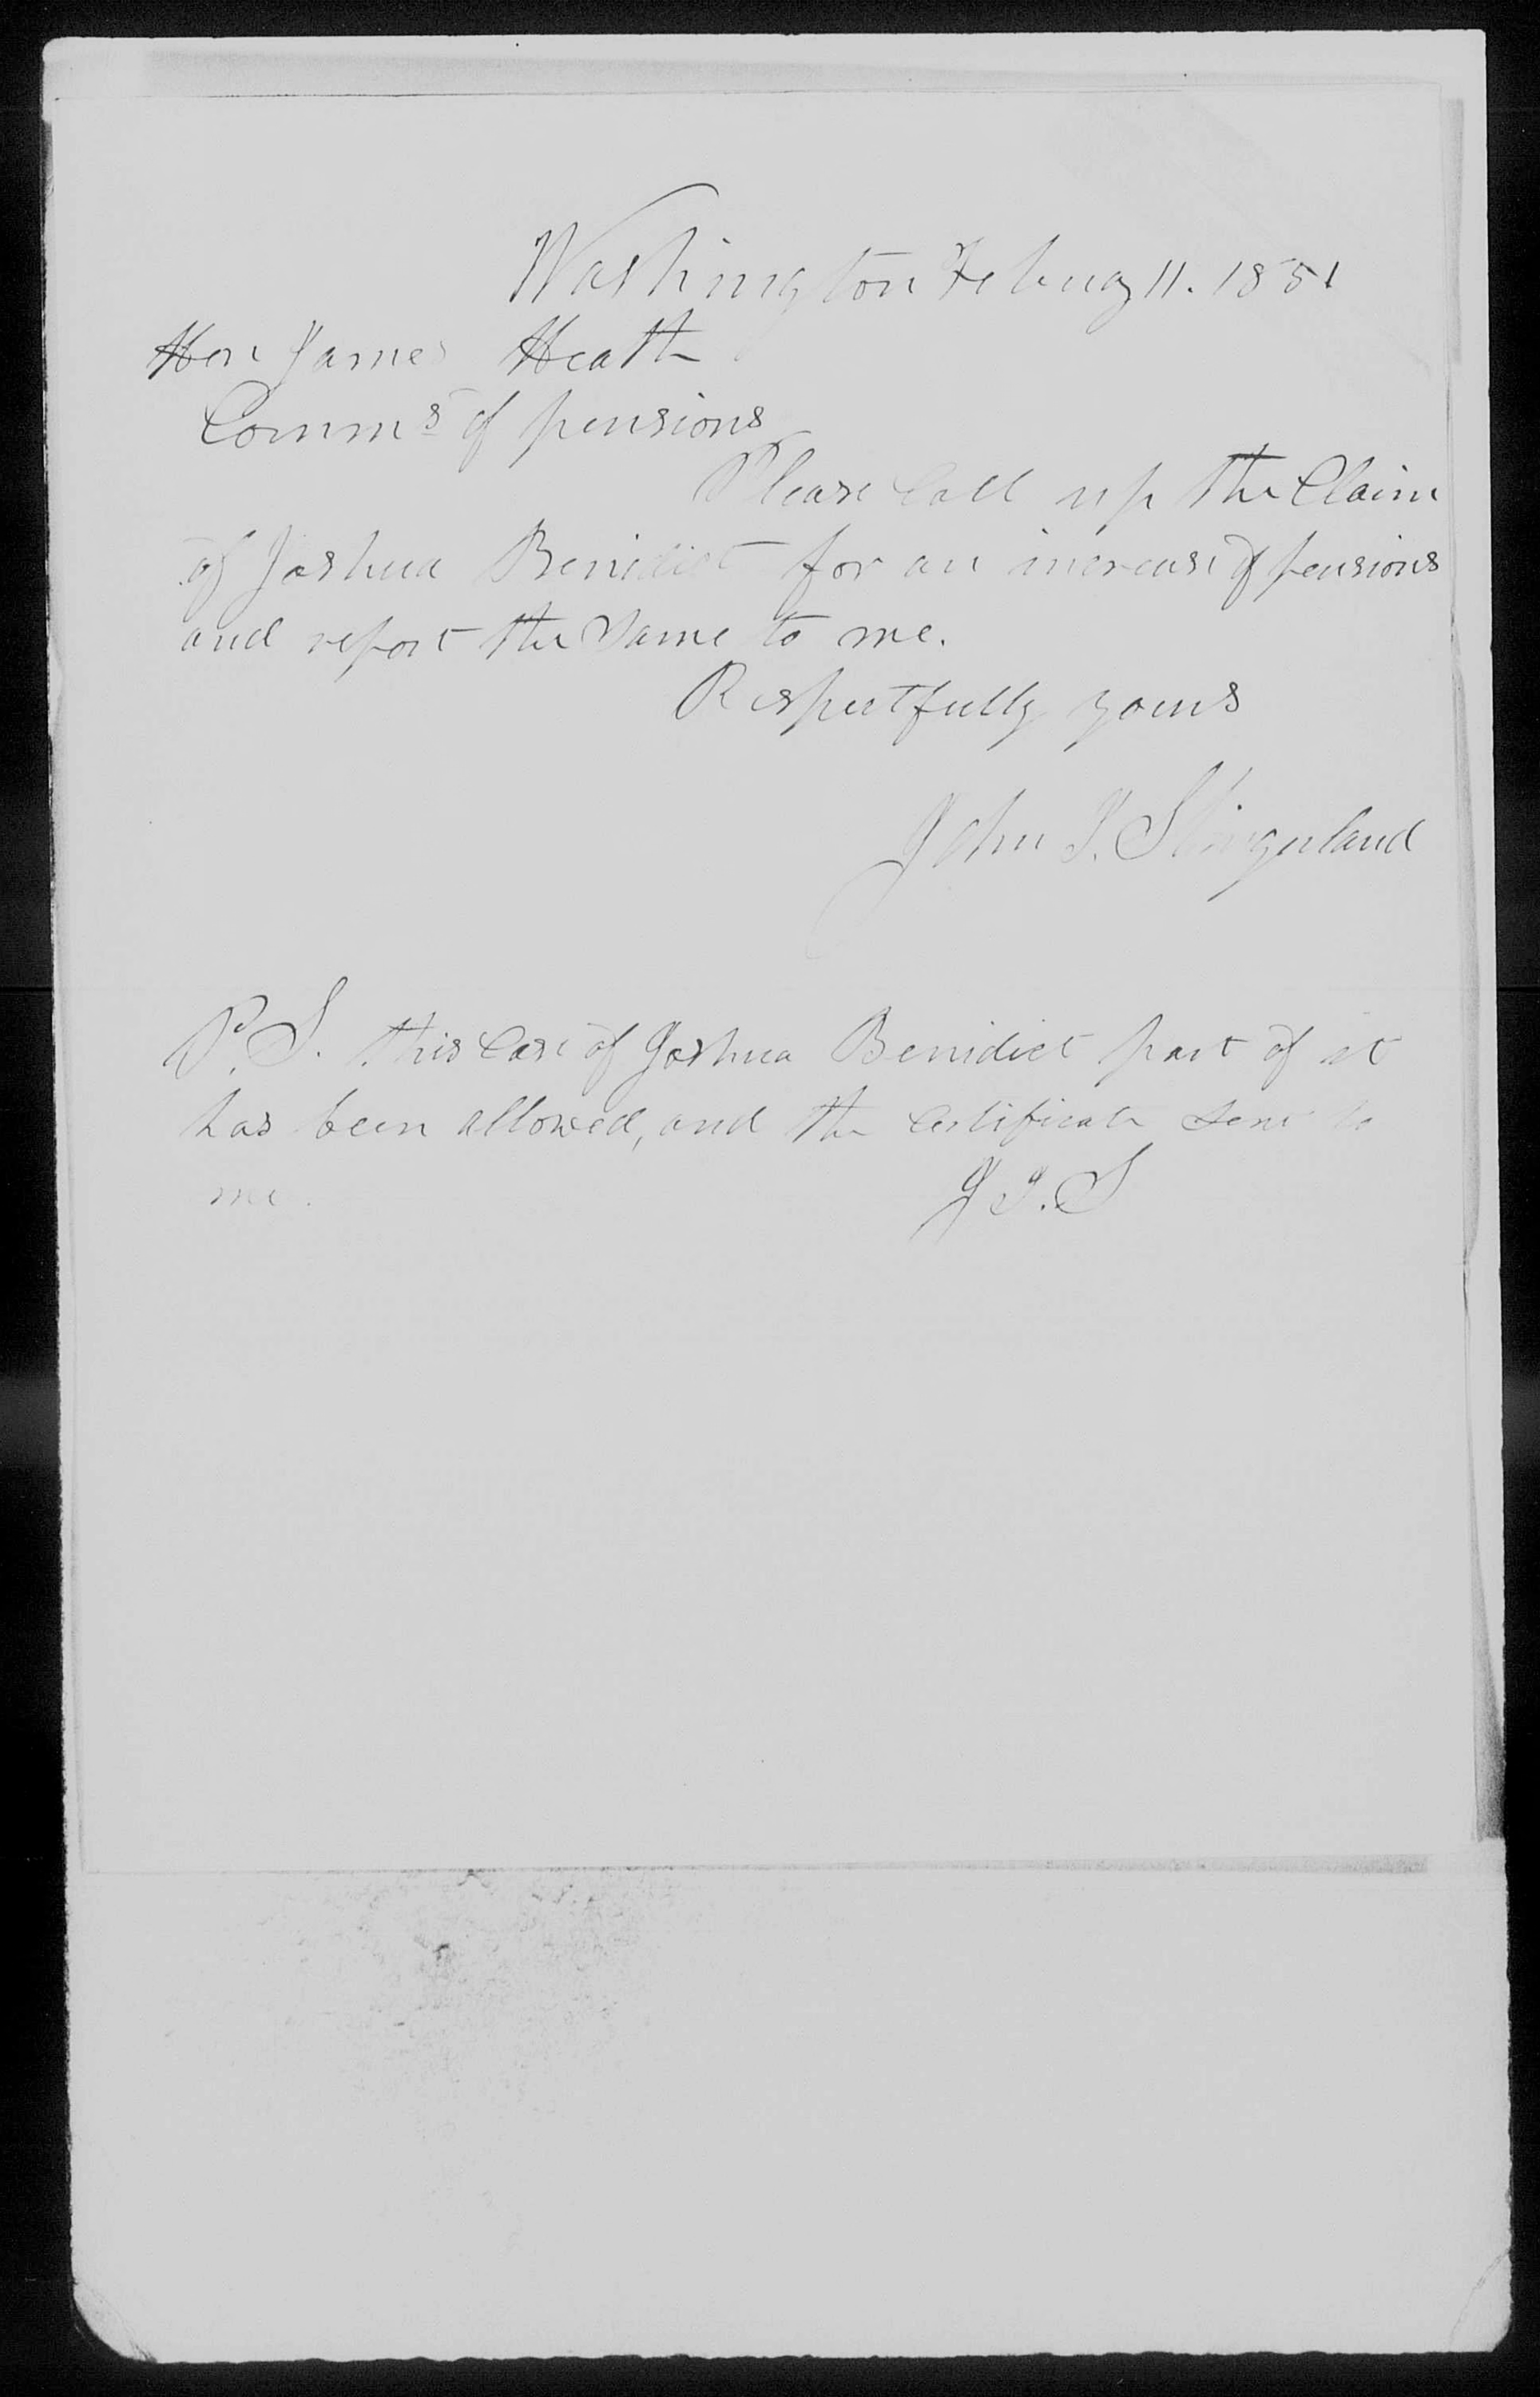Washington February 11, 1851
Hon James Heath
Commr of Pensions
Please call up the Claim of Joshua Benidict for an increase of pensions and report the same to me.
Respectfully yours
John J. Slingerland

P.S. this case of Joshua Benidict part of it
has been allowed, and the certificate sent to me.
J. L. S.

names: Joshua Benedict, Joshua Benedict, John J Slingerland, James Heath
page: 106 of 106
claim: survivor's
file: S 23,116., Joshua Benedict, Conn.